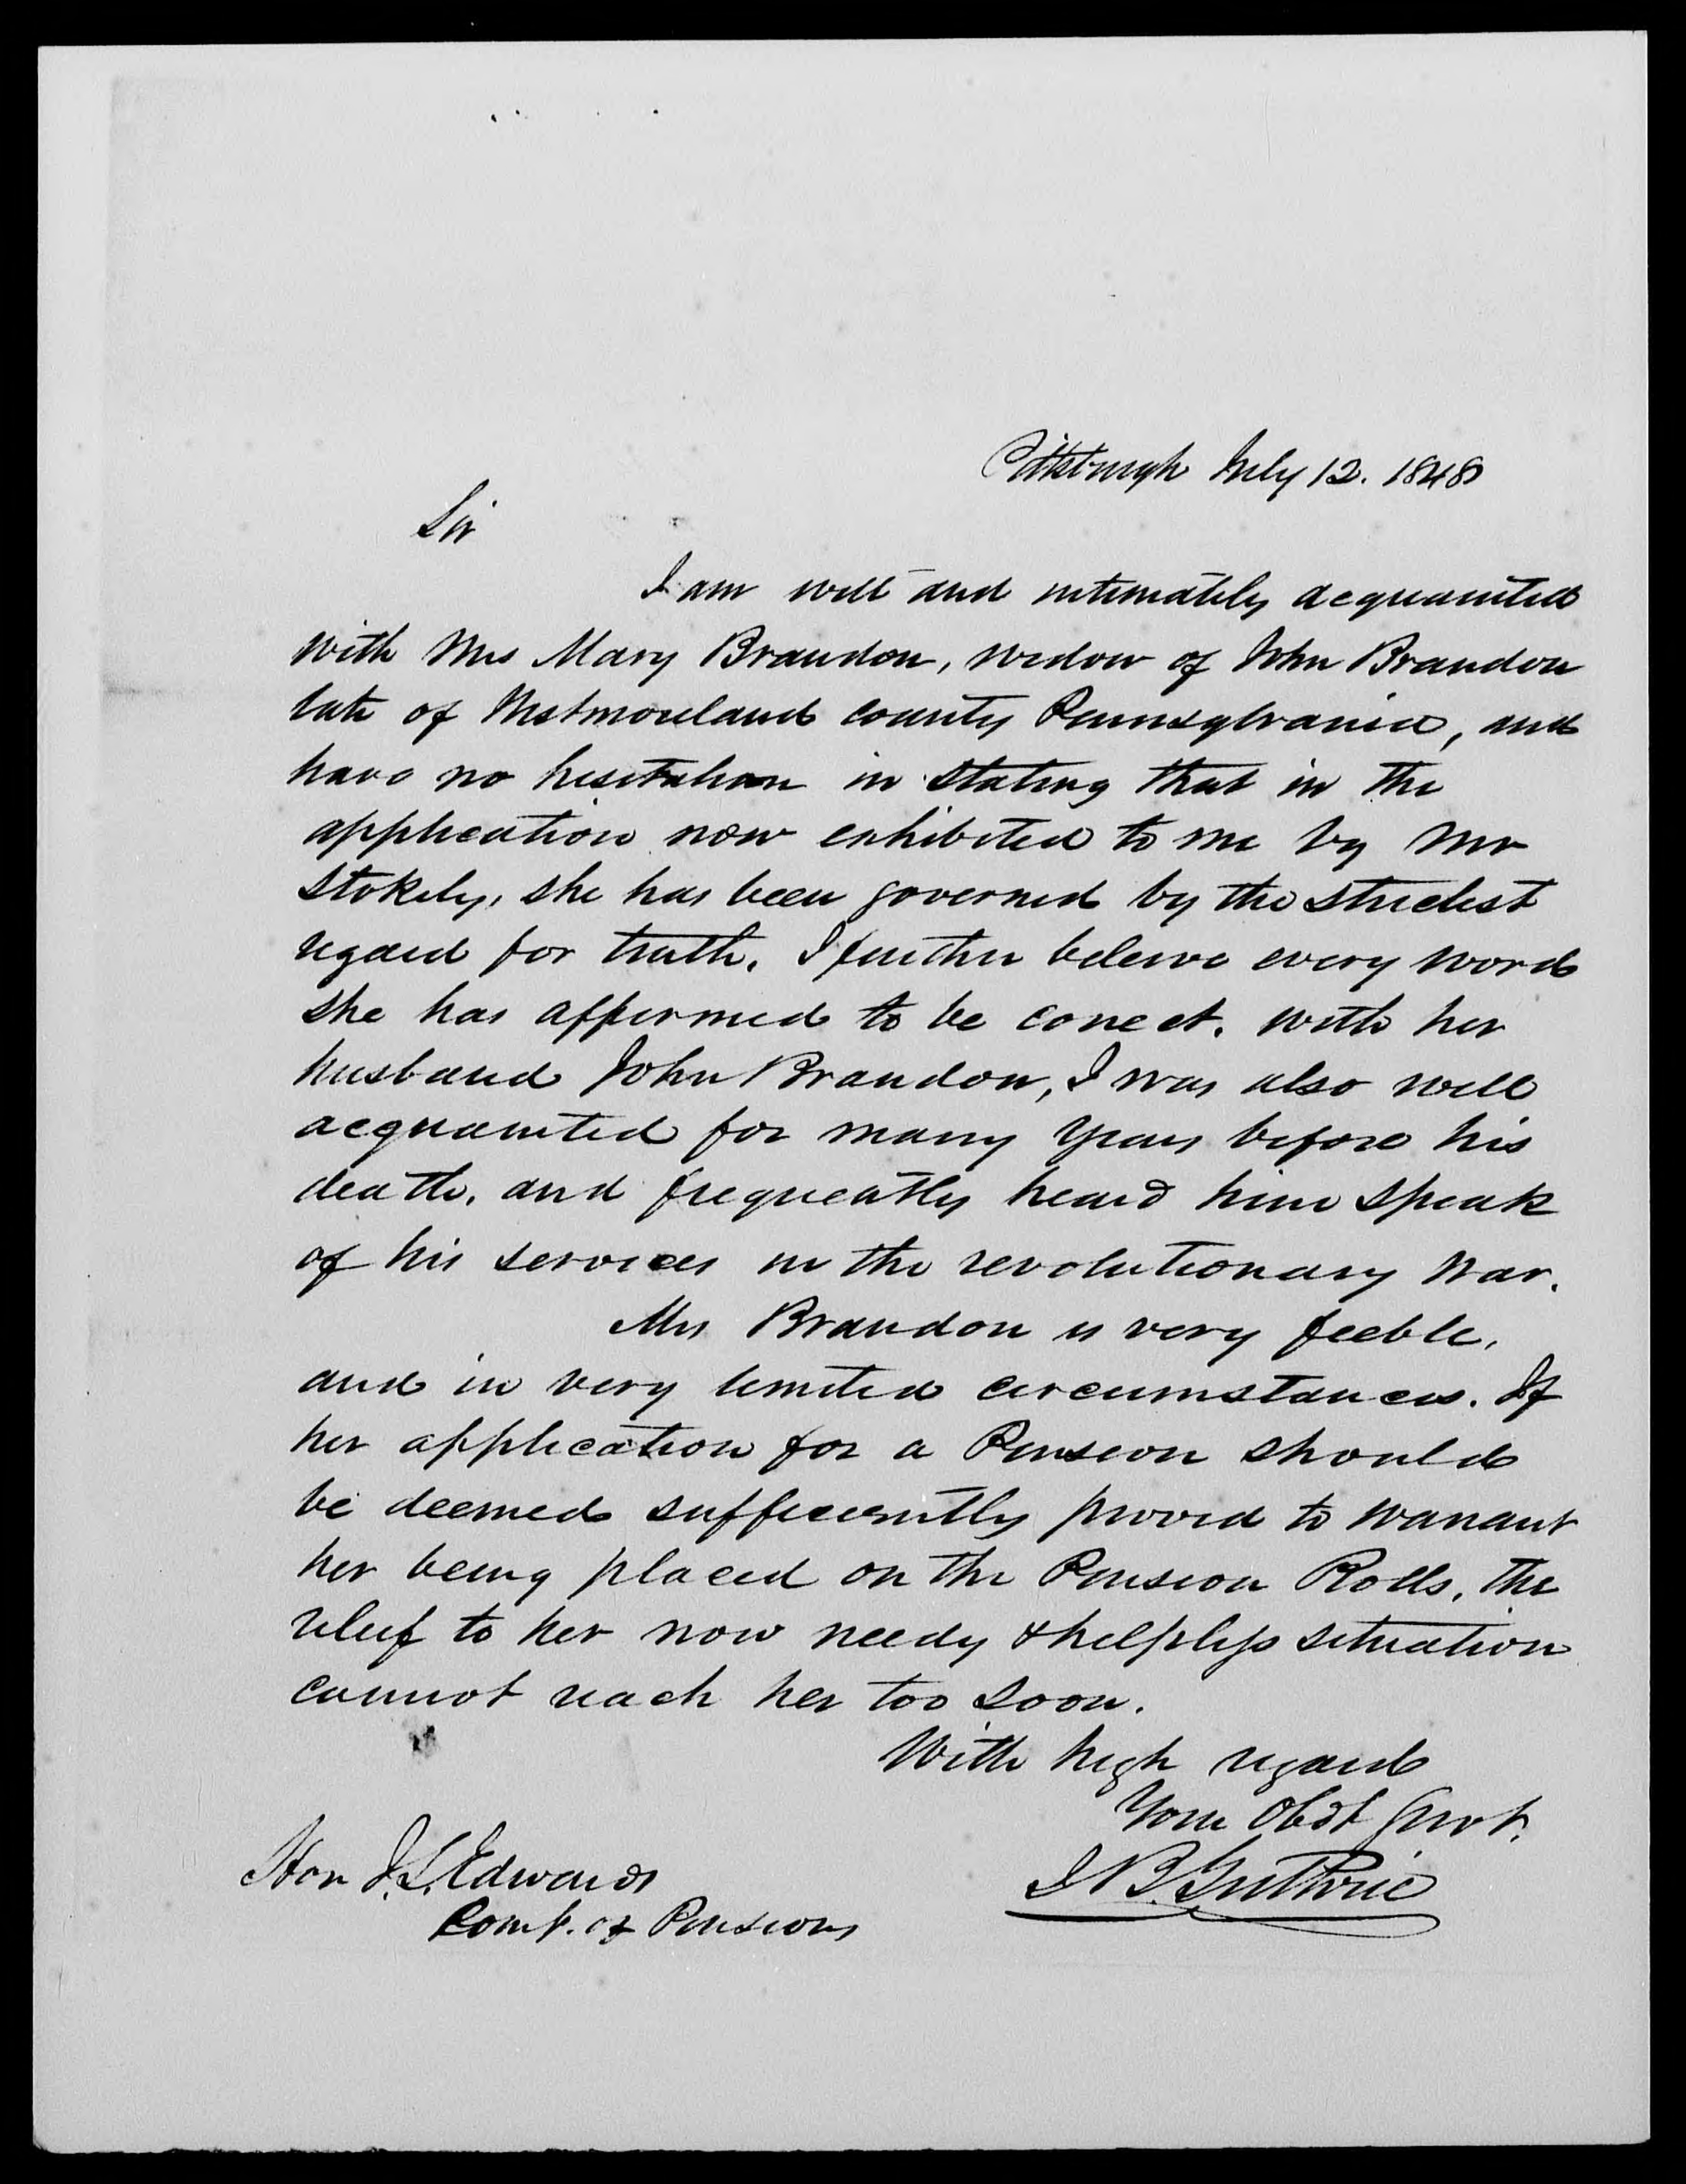Pittsburgh July 12, 1848
Sir
I am well and intimately acquainted with Mrs Mary Brandon, widow of John Brandon late of Westmoreland County Pennsylvania, and have no hesitation in stating that in the application now exhibited to me  by Mr Stokely, she has been governed by the strictest regard for truth. I further believe every word she has affirmed to be correct, with her husband John Brandon, I was also well acquainted for many years before his death, and frequently heard him speak of his services in the revolutionary War.
Mrs Brandon is very feeble, and in very limited circumstances. If her application for a Pension should be deemed sufficiently proved to warrant her being placed on the Pension Rolls, the relief to her now needy & helpless situation cannot reach her too soon.
With high regards
Your Obdt Srvt.
JB. Guthrie
Hon J.L. Edwards
Comss. of Pensions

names: Stokely, Brandon, Mary Brandon, J B Guthrie, John Brandon, J L Edwards, John Brandon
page: 43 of 83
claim: widow's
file: W. 5946, John Brandon, Penn